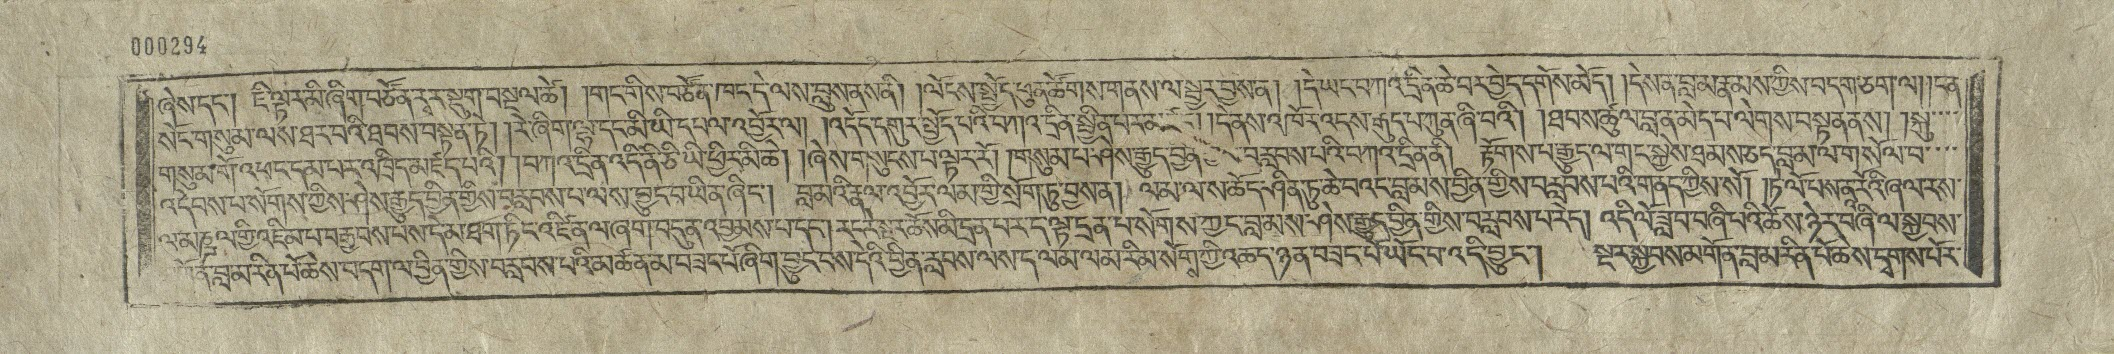ཞེས་དང་། ཇི་ལྟར་མི་ཞིག་བཙོན་རྭར་སྡུག་བསྔལ་ཚེ། །གང་གིས་བཙོན་ཁང་དེ་ལས་བླུས་ནས་ནི། །ལོངས་སྤྱོད་ཕུན་ཚོགས་གནས་ལ་སྦྱར་བྱས་ན། །དེ་ཡང་བཀའ་དྲིན་ཆེ་བར་བྱེད་དགོས་མོད། །དེས་ན་བླ་མ་རྣམས་ཀྱིས་བདག་ཅག་ལ། །ངན་
སོང་གསུམ་ལས་ཐར་བའི་ཐབས་བསྟན་ཏེ། །རེ་ཞིག་ལྷ་དང་མི་ཡི་དཔལ་འབྱོར་ལ། །འདོད་དགུར་སྤྱོད་པའི་བཀའ་དྲིན་སྦྱིན་པར་མཛད། །དེ་ནས་འཁོར་འདས་རྒུད་པ་ཀུན་ཞི་བའི། །ཐབས་ཚུལ་བླ་ན་མེད་པ་ལེགས་བསྟན་ནས། །སྐུ་
གསུམ་གོ་འཕང་དམ་པར་འཁྲིད་མཛད་པའི། །བཀའ་དྲིན་འདི་ནི་ཅི་ཡི་ཕྱིར་མི་ཆེ། །ཞེས་གསུངས་པ་ལྟར་རོ། །གསུམ་པ་ཤེས་རྒྱུད་བྱིན་གྱིས་བརླབས་པའི་བཀའ་དྲིན་ནི། རྟོགས་པ་རྒྱུད་ལ་གང་སྐྱེས་ཐམས་ཅད་བླ་མ་ལ་གསོལ་བ་
འདེབས་པ་སོགས་ཀྱིས་ཤེས་རྒྱུད་བྱིན་གྱིས་བརླབས་པ་ལས་བྱུང་བ་ཡིན་ཞིང་། བླ་མའི་རྣལ་འབྱོར་ལམ་གྱི་སྲོག་ཏུ་བྱས་ན། ལམ་ལ་ས་ཆོད་ཤིན་ཏུ་ཆེ་བའང་བླ་མས་བྱིན་གྱིས་བརླབས་པའི་གནད་ཀྱིས་སོ། །ཏེ་ལོ་པས་ནཱ་རོའི་ཞལ་རས་
ལ་མཎྜལ་གྱི་འཇིམ་པ་བརྒྱབས་པས་དེ་མ་ཐག་ཏིང་འཛིན་ལ་ཞག་བདུན་འབྱམས་པ་དང་། རང་རེ་སྔར་ཆོས་མི་དྲན་པར་ད་ལྟ་དྲན་པ་སོགས་ཀྱང་བླ་མས་ཤེས་རྒྱུད་བྱིན་གྱིས་བརླབས་པ་རེད། འདི་ལོ་ཟླ་བ་བཞི་པའི་ཚེས་ཉེར་བཞི་ལ་སྐྱབས་
མགོན་བླ་མ་རིན་པོ་ཆེས་བདག་ལ་བྱིན་གྱིས་བརླབས་པའི་མཚན་མ་བཟང་པོ་ཞིག་བྱུང་བས་དེའི་བྱིན་རླབས་ལས་ད་ལམ་ལམ་རིམ་སོགས་ཀྱི་འཆད་ཉན་བཟང་པོ་ཡོང་བ་འདི་བྱུང་། སྔར་སྐྱབས་མགོན་བླ་མ་རིན་པོ་ཆེས་དྭགས་པོར་